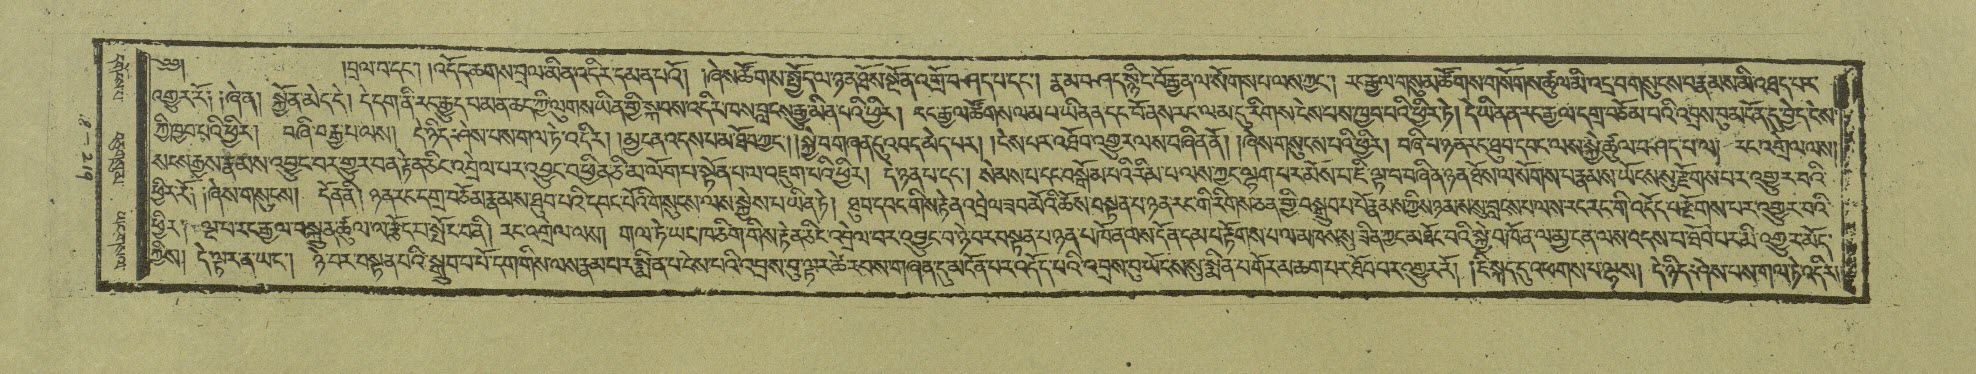༄༅། །བྲལ་བ་དང་། །འདོད་ཆགས་བྲལ་མིན་འདིར་དམན་པའོ། །ཞེས་ཚོགས་སྤྱོད་ལ་ཉན་ཐོས་སྔོན་འགྲོ་བཤད་པ་དང་། རྣམ་བཤད་སྙིང་པོ་རྒྱན་ལ་སོགས་པ་ལས་ཀྱང་། རང་རྒྱལ་གསུམ་ཚོགས་གསོགས་ཚུལ་མི་འདྲ་བ་གསུངས་པ་རྣམས་མི་འཐད་པར་
འགྱུར་རོ། །ཞེ་ན། སྐྱོན་མེད་དེ། དེ་དག་ནི་རང་རྒྱུད་བ་མན་ཆད་ཀྱི་ལུགས་ཡིན་གྱི་སྐབས་འདིར་ཁས་བླངས་རྒྱུ་མིན་པའི་ཕྱིར། རང་རྒྱལ་ཚོགས་ལམ་པ་ཡིན་ན་དང་པོ་ནས་རང་ལམ་དུ་རིགས་ངེས་པས་ཁྱབ་པའི་ཕྱིར་ཏེ། དེ་ཡིན་ན་རང་རྒྱལ་དགྲ་བཅོམ་པའི་འབྲས་བུ་མངོན་དུ་བྱེད་ངེས་
ཅི་ཁྱབ་པའི་ཕྱིར། བཞི་བརྒྱ་བ་ལས། དེ་ཉིད་ཤེས་པས་གལ་ཏེ་འདིར། །མྱ་ངན་འདས་པ་མ་ཐོབ་ཀྱང་། །སྐྱེ་བ་གཞན་དུ་འབད་མེད་པར། །ངེས་པར་འཐོབ་འགྱུར་ལས་བཞིན་ནོ། །ཞེས་གསུངས་པའི་ཕྱིར། བཞི་པ་ཉན་རང་ཐུབ་དབང་ལས་སྐྱེ་ཚུལ་བཤད་པ་ལ། རང་འགྲེལ་ལས་
སངས་རྒྱས་རྣམས་འབྱུང་བར་གྱུར་བ་ན་རྟེན་ཅིང་འབྲེལ་བར་འབྱུང་བ་ཕྱིན་ཅི་མ་ལོག་པ་སྟོན་པ་ལ་འཇུག་པའི་ཕྱིར། དེ་ཉན་པ་དང་། སེམས་པ་དང་བསྒོམ་པའི་རིམ་པ་ལས་ཀྱང་ལྷག་པར་མོས་པ་ཇི་ལྟ་བ་བཞིན་ཉན་ཐོས་ལ་སོགས་པ་རྣམས་ཡོངས་སུ་རྫོགས་པར་འགྱུར་བའི་
ཕྱིར་རོ། །ཞེས་གསུངས། དོན་ནི། ཉན་རང་དགྲ་བཅོམ་རྣམས་ཐུབ་པའི་དབང་པོའི་གསུངས་ལས་སྐྱེས་པ་ཡིན་ཏེ། ཐུབ་དབང་གིས་རྟེན་འབྲེལ་ཟབ་མོའི་ཆོས་བསྟན་པ་ཉན་རང་གི་རིགས་ཅན་གྱི་བསྒྲུབ་པ་པོ་རྣམས་ཀྱིས་ཉམས་སུ་བླངས་པ་ལས་རང་རང་གི་འདོད་པ་རྫོགས་པར་འགྱུར་བའི་
ཕྱིར། ལྔ་པ་རང་རྒྱལ་བསྐྲུན་ཚུལ་ལ་རྩོད་པ་སྤོང་བ་ནི། རང་འགྲེལ་ལས། གལ་ཏེ་ཡང་ཁ་ཅིག་གིས་རྟེན་ཅིང་འབྲེལ་བར་འབྱུང་བ་ཉེ་བར་བསྟན་པ་ཉན་པ་ཁོ་ན་ལས་དོན་དམ་པ་རྟོགས་པ་ལ་མཁས་སུ་ཟིན་ཀྱང་མཐོང་བའི་སྐྱེ་བ་ཁོ་ན་ལ་མྱ་ངན་ལས་འདས་པ་ཐོབ་པར་མི་འགྱུར་མོད་
ཀྱིས། དེ་ལྟར་ན་ཡང་། ཉེ་བར་བསྟན་པའི་སྒྲུབ་པ་པོ་དག་གི་སས་ཀྱིས་རྣམ་པར་སྨིན་པ་ངེས་པའི་འབྲས་བུ་ལྟར་ཚེ་རབས་གཞན་དུ་མངོན་པར་འདོད་པའི་འབྲས་བུ་ཡོངས་སུ་སྨིན་པ་གོར་མ་ཆག་པར་ཐོབ་པར་འགྱུར་རོ། །ཇི་སྐད་དུ་འཕགས་པ་ལྷས། དེ་ཉིད་ཤེས་པས་གལ་ཏེ་འདིར།